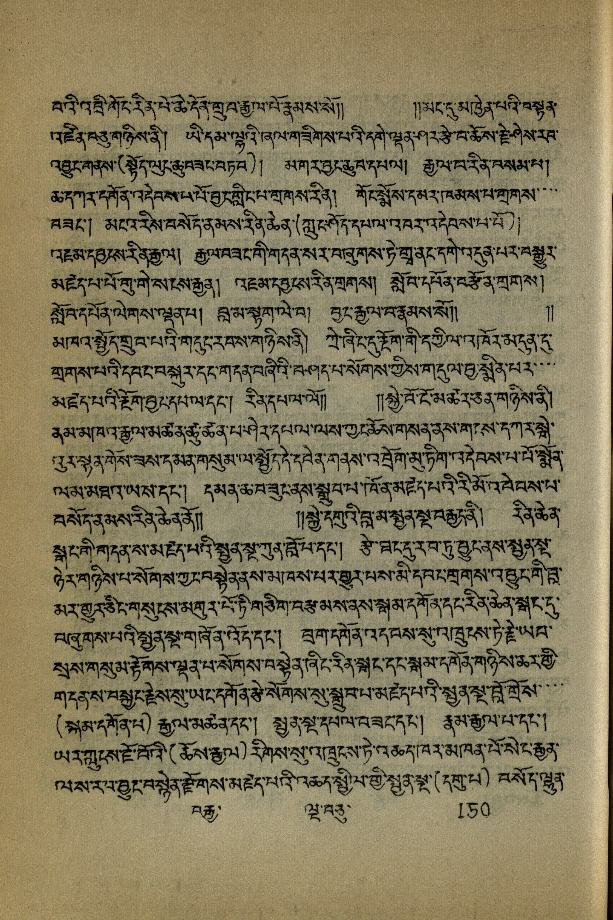བའི་འབྲི་གོང་རིན་པོ་ཆེ་དོན་གྲུབ་རྒྱལ་པོ་རྣམས་སོ།། །།མང་དུ་མཁྱེན་པའི་བསྟན་
འཛིན་བཅུ་གཉིས་ནི། ཡི་དམ་ལྷའི་ཞལ་གཟིགས་པའི་དགེ་ལྡན་ཤར་རྩེ་བ་ཆོས་རྗེ་ཤེས་རབ་
འབྱུང་གནས་སྟོད་ལུང་ཆུ་བཟང་བཏབ། མགར་བྱང་ཆུབ་དཔལ། རྒྱལ་བ་རིན་བསམ་པ།
ཆ་དཀར་དགོན་འདེབས་པ་པོ་བྱང་གླིང་པ་གྲགས་རིན། གོང་སྨོས་དམར་ཁམས་པ་གྲགས་
བཟང་། མངའ་རིས་བསོད་ནམས་རིན་ཆེན་ཀླུང་ཤོད་དཔལ་འབར་འདེབས་པ་པོ།
འཇམ་དབྱངས་རིན་རྒྱལ། རྒྱལ་བཟང་གི་གདན་སར་བཞུགས་ཏེ་གྲྭ་ནང་དགེ་འདུན་པར་བསྒྱུར་
མཛད་པ་པོ་གུ་གེ་སངས་རྒྱན། འཇམ་དབྱངས་རིན་གྲགས། སློབ་དཔོན་བརྩོན་གྲགས།
སློབ་དཔོན་ལེགས་ལྡན་པ། བླ་མ་སྟག་ལེ་བ། བྱང་རྒྱལ་བ་རྣམས་སོ།། །།
མཁའ་སྤྱོད་གྲུབ་པའི་གདུང་རབས་གཉིས་ནི། ཀྲེ་ཞིང་དུ་རྔོག་གི་དཀྱིལ་འཁོར་མདུན་དུ་
གྲགས་པའི་དབང་བསྐུར་དང་གདན་བཞིའི་བཤད་པ་སོགས་ཀྱིས་གདུལ་བྱ་སྨིན་པར་
མཛད་པའི་རྡོག་བྱང་དཔལ་དང་། རིན་དཔལ་ལོ།། །།སྐྱེ་བོ་ངོ་མཚར་ཅན་གཉིས་ནི།
ནམ་མཁའ་རྒྱལ་མཚན་ཚུ་ཚན་པ་ཤེར་དཔལ་ལས་ཀྱང་ཆོས་གསན་ནས་གངས་དཀར་སྒེ་
འུར་སྟན་གོས་ཟས་དམན་གསུམ་ལ་སྤྱོད་དེ་དབེན་གནས་འབྲོག་མུ་ཏིག་འདེབས་པ་པོ་སྨོན་
ལམ་མཐའ་ཡས་དང་། དམན་ཆ་བཟུང་ནས་སྒྲུབ་པ་ཁོ་ན་མཛད་པའི་རི་མོ་འབེབས་པ་
བསོད་ནམས་རིན་ཆེན་ནོ།། །།སྐྱེ་དགུའི་བླ་མ་སྤྱན་སྔ་བརྒྱད་ནི། རིན་ཆེན་
སྒང་གི་གདན་ས་མཛད་པའི་སྤྱན་སྔ་ཀུན་བློ་པ་དང་། རྩེ་ཐང་དུ་རབ་ཏུ་བྱུང་ནས་སྤྱན་སྔ་
ཉེར་གཉིས་པ་སོགས་ཀྱང་བསྟེན་ནས་མཁས་པར་གྱུར་པས་མི་དབང་གྲགས་འབྱུང་གི་བླ་
མར་གྱུར་ཅིང་གསུངས་མགུར་པོ་ཏི་གཅིག་བརྩམས་ནས་སྒམ་དགོན་དང་རིན་ཆེན་སྒང་དུ་
བཞུགས་པའི་སྤྱན་སྔ་གཞོན་འོད་དང་། བྲག་དགོན་འདབས་སུ་འཁྲུངས་ཏེ་རྗེ་ཡབ་
སྲས་གསུམ་རྟོགས་ལྡན་པ་སོགས་བསྟེན་ཞིང་རིན་སྒང་དང་སྒམ་དགོན་གཉིས་ཆར་གྱི་
གདན་ས་བསྐྱང་རྗེས་སུ་ཡང་དགོན་རྩེ་སོགས་སུ་སྒྲུབ་པ་མཛད་པའི་སྤྱན་སྔ་བློ་གྲོས་
སྐམ་དགོན་པ་རྒྱལ་མཚན་དང་། སྤྱན་སྔ་དཔལ་བཟང་དང་། རྣམ་རྒྱལ་པ་དང་།
ཡར་ཀླུངས་ཇོ་བོའི་ཆོས་རྒྱལ་རིགས་སུ་འཁྲུངས་ཏེ་འཆད་ཁར་མཁན་པོ་སེང་རྒྱན་
ལས་རབ་བྱུང་བསྙེན་རྫོགས་མཛད་པའི་འཆད་སྤྱིལ་གྱི་སྤྱན་སྔ་དགུ་པ་བསོད་ལྷུན་